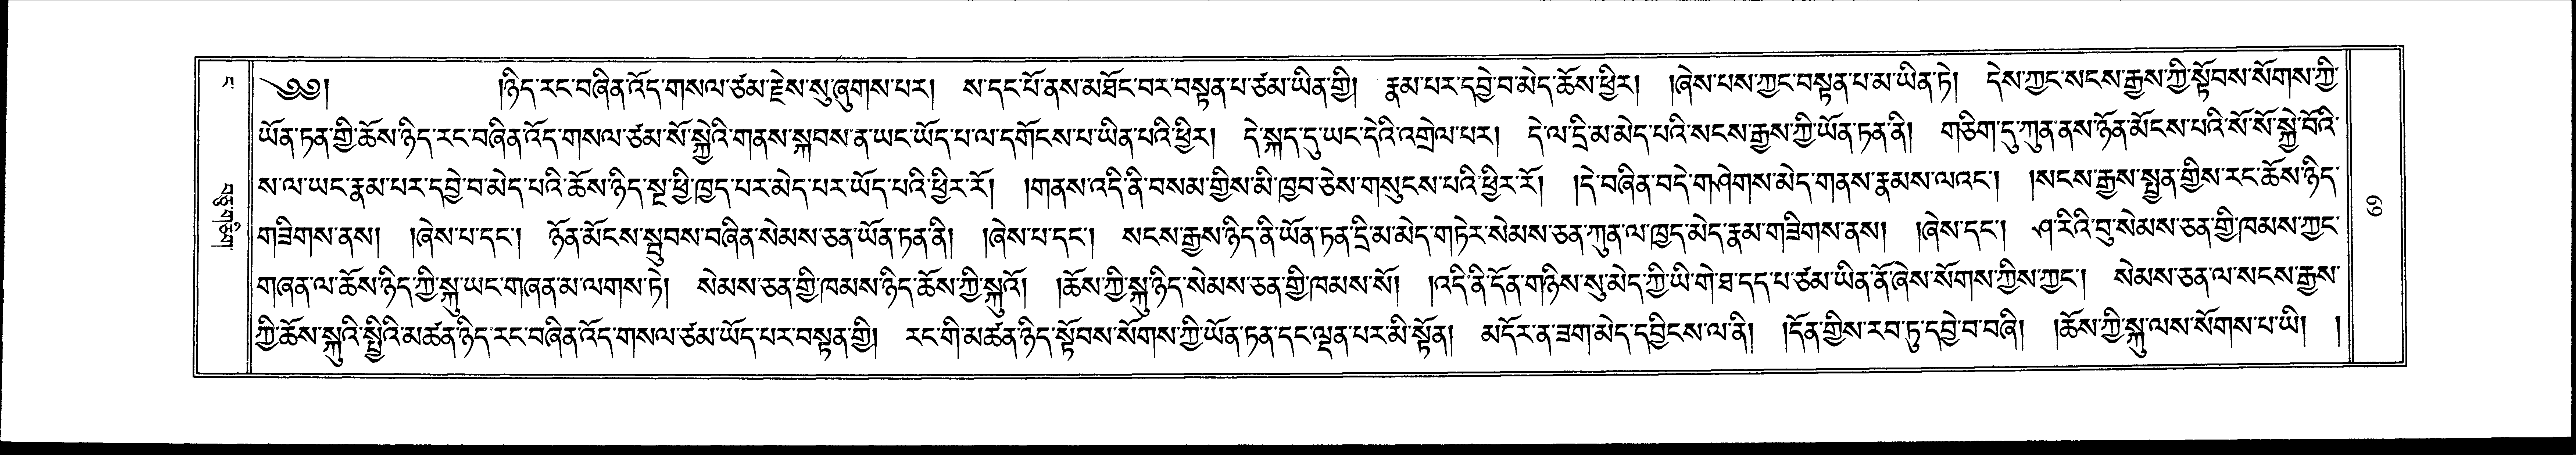༄༅། །ཉིད་རང་བཞིན་འོད་གསལ་ཙམ་རྗེས་སུ་ཞུགས་པར། ས་དང་པོ་ནས་མཐོང་བར་བསྟན་པ་ཙམ་ཡིན་གྱི། རྣམ་པར་དབྱེ་བ་མེད་ཆོས་ཕྱིར། །ཞེས་པས་ཀྱང་བསྟན་པ་མ་ཡིན་ཏེ། དེས་ཀྱང་སངས་རྒྱས་ཀྱི་སྟོབས་སོགས་ཀྱི་
ཡོན་ཏན་གྱི་ཆོས་ཉིད་རང་བཞིན་འོད་གསལ་ཙམ་སོ་སྐྱེའི་གནས་སྐབས་ན་ཡང་ཡོད་པ་ལ་དགོངས་པ་ཡིན་པའི་ཕྱིར། དེ་སྐད་དུ་ཡང་དེའི་འགྲེལ་པར། དེ་ལ་དྲི་མ་མེད་པའི་སངས་རྒྱས་ཀྱི་ཡོན་ཏན་ནི། གཅིག་དུ་ཀུན་ནས་ཉོན་མོངས་པའི་སོ་སྐྱེ་བོའི་
ས་ལ་ཡང་རྣམ་པར་དབྱེ་བ་མེད་པའི་ཆོས་ཉིད་སྔ་ཕྱི་ཁྱད་པར་མེད་པར་ཡོད་པའི་ཕྱིར་རོ། །གནས་འདི་ནི་བསམ་གྱིས་མི་ཁྱབ་ཅེས་གསུངས་པའི་ཕྱིར་རོ། །དེ་བཞིན་བདེ་གཤེགས་མེད་གནས་རྣམས་ལའང་། །སངས་རྒྱས་སྤྱན་གྱིས་རང་ཆོས་ཉིད་
གཟིགས་ནས། །ཞེས་པ་དང་། ཉོན་མོངས་སྦུབས་བཞིན་སེམས་ཅན་ཡོན་ཏན་ནི། །ཞེས་པ་དང་། སངས་རྒྱས་ཉིད་ནི་ཡོན་ཏན་དྲི་མ་མེད་གཏེར་སེམས་ཅན་ཀུན་ལ་ཁྱད་མེད་རྣམས་གཟིགས་ནས། །ཞེས་དང་། ཤ་རིའི་བུ་སེམས་ཅན་གྱི་ཁམས་ཀྱང་
གཞན་ལ་ཆོས་ཉིད་ཀྱི་སྐུ་ཡང་གཞན་མ་ལགས་ཏེ། སེམས་ཅན་གྱི་ཁམས་ཉིད་ཆོས་ཀྱི་སྐུའོ། །ཆོས་ཀྱི་སྐུ་ཉིད་སེམས་ཅན་གྱི་ཁམས་སོ། །འདི་ནི་དོན་གཉིས་སུ་མེད་ཀྱི་ཡི་གེ་ཐ་དད་པ་ཙམ་ཡིན་ནོ་ཞེས་སོགས་ཀྱིས་ཀྱང་། སེམས་ཅན་ལ་སངས་རྒྱས་
ཀྱི་ཆོས་སྐུའི་སྤྱིའི་མཚན་ཉིད་རང་བཞིན་འོད་གསལ་ཙམ་ཡོད་པར་བསྟན་གྱི། རང་གི་མཚན་ཉིད་སྟོབས་སོགས་ཀྱི་ཡོན་ཏན་དང་ལྡན་པར་མི་སྟོན། མདོར་ན་ཟག་མེད་དབྱིངས་ལ་ནི། །དོན་གྱིས་རབ་ཏུ་དབྱེ་བ་བཞི། །ཆོས་ཀྱི་སྐུ་ལས་སོགས་པ་ཡི། །